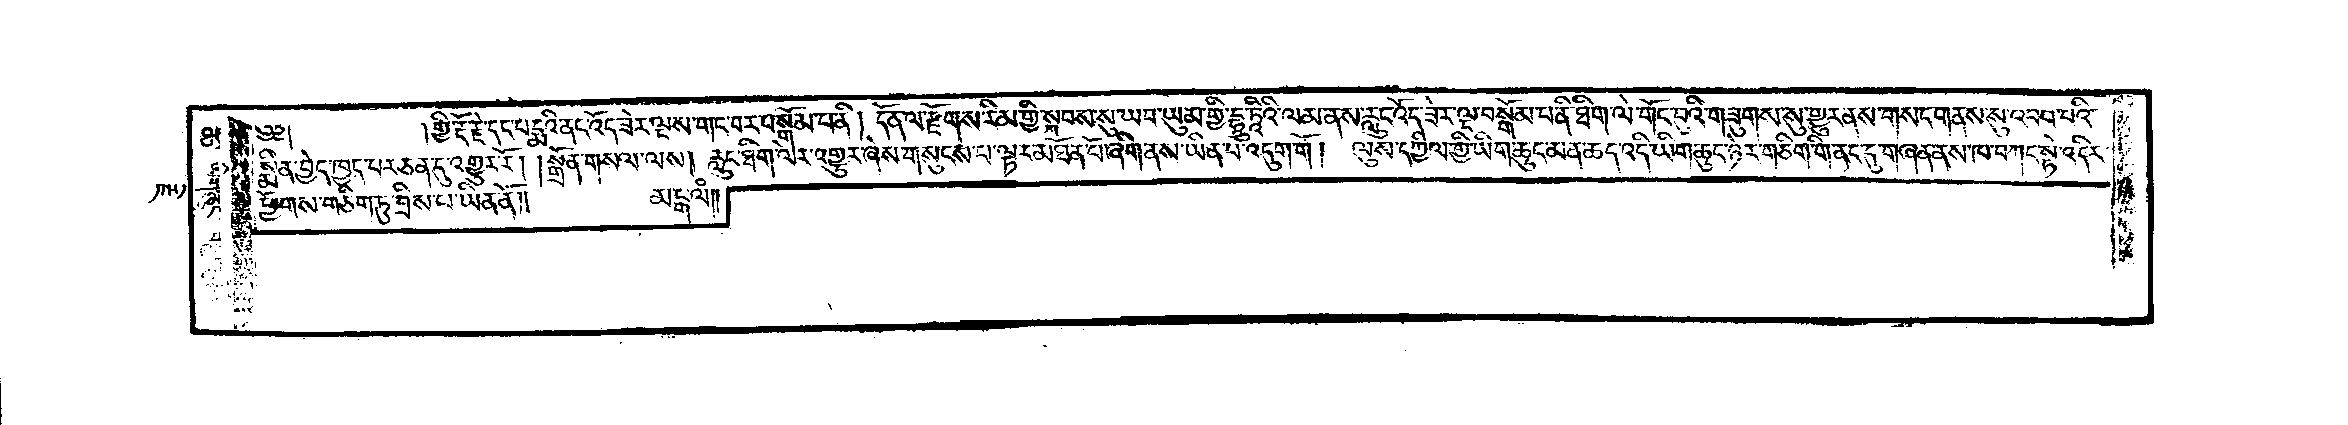༄༅། །གྱི་རྡོ་རྗེ་དང་པདམའི་ནང་འོད་ཟེར་ལྔས་གང་བར་བསྒོམ་པ་ནི། དོན་ལ་རྫོགས་རིམ་གྱི་སྐབས་སུ་ཡབ་ཡུམ་གྱི་དྷཱུ་ཏཱིའི་ལམ་ནས་རླུང་འོད་ཟེར་ལྔ་བསྒོམ་པ་ནི་ཐིག་ལེ་གོང་བུའི་གཟུགས་སུ་གྱུར་ནས་གསང་གནས་སུ་འབབ་པའི་
སྨིན་བྱེད་ཁྱད་པར་ཅན་དུ་འགྱུར་རོ། །སྒྲོན་གསལ་ལས། རླུང་ཐིག་ལེར་འགྱུར་ཞེས་གསུངས་པ་ལྟར་མཐོན་པོ་ཞིག་ནས་ཡིན་པ་འདུག་གོ །ལུས་དཀྱིལ་གྱི་ཡིག་ཆུང་མན་ཆད་འདི་ཡིག་ཆུང་ཉེར་གཅིག་གི་ནང་དུ་གཞན་ནས་ཁ་བཀང་སྟེ་འདིར་
ཕྱོགས་གཅིག་ཏུ་བྲིས་པ་ཡིན་ནོ། །མངྒ་ལཾ། །